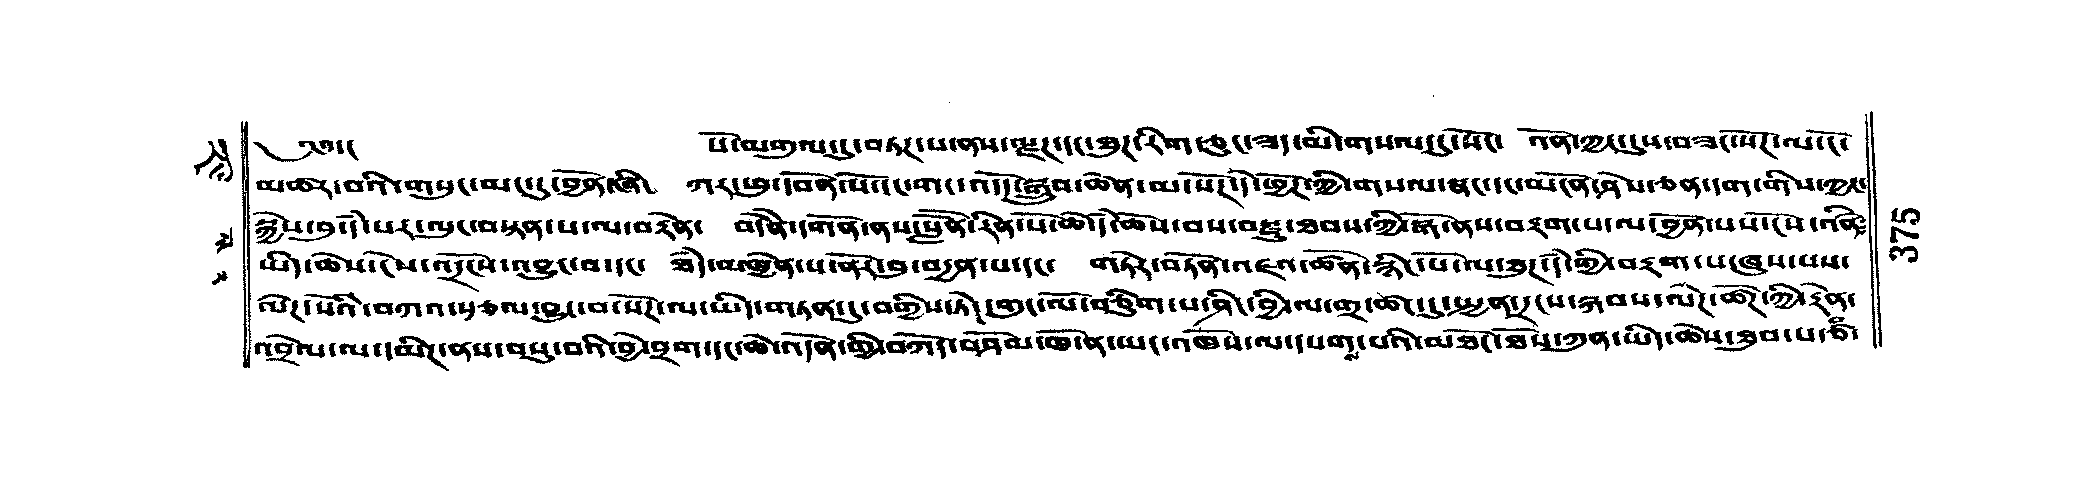པོ་མགུལ་དུ་བཏགས་པ་ནས་ལྗགས་དང་ཐུགས་རིག་ཅུང་ཟད་མི་གསལ་དུ་སོང་། འོན་ཀྱང་དུས་བཟང་སོགས་ལ་ངོ་
མཚར་བའི་གསུང་མང་དུ་བྱིན་ཞིང་། ཀར་ཕུ་དབོན་པོ་དང་གང་འདོད་སྒྲུབ་ཆེན་མ་སོགས་དེ་ཕྱོགས་ཀྱི་གསལ་སྣང་དང་མངོན་ཤེས་ཅན་དག་གིས་ཀྱང་
སྐྱེས་བུ་དམ་པར་ལུང་བསྟན་པ་ལ་བརྟེན། བདེ་ཆེན་དགོན་ནས་སློབ་དཔོན་རིན་པོ་ཆེ་དམ་ཆོས་བས་བརྫུ་ཐབས་ཀྱི་སྒོ་ནས་བརྟག་པ་ལ་བྱོན་པས་ངོས་འཛིན་
ཡིད་ཆེས་ངེས་འདྲོངས་འབྱུང་བ་དང་། ཐམས་ཅད་མཁྱེན་པ་ནོར་བུ་བརྒྱན་པ་དང་། གཏེར་སྟོན་འཇའ་ཚོན་སྙིང་པོ་ལ་ཐུགས་དམ་གྱི་བརྟག་པ་ཞུས་པས་
ལེགས་སོའི་བཀའ་སྩལ་བྱུང་བ་སོགས་ལ་ཡིད་གཏན་དུ་བགྱིས་ཏེ་དགུང་ལོ་བཅུ་གཅིག་པ་ཤིང་བྱི་ལ་གྲྭ་ཚང་དུ་སྤྱན་དྲངས་སྐབས་ལེགས་ཚོགས་ཀྱི་རྟེན་
འབྲེལ་ལ་དམིགས་ནས་བསུ་བའི་བྱེ་བྲག་དང་ཆེ་འདོན་གྱི་བཀོད་བཤོམ་ཁོ་ན་ཡང་འཁོས་ལ་དཔགས་པའི་མཐོང་ཐོས་ཀུན་ཡིད་ཆེས་ཐུབ་པ་ཙམ་